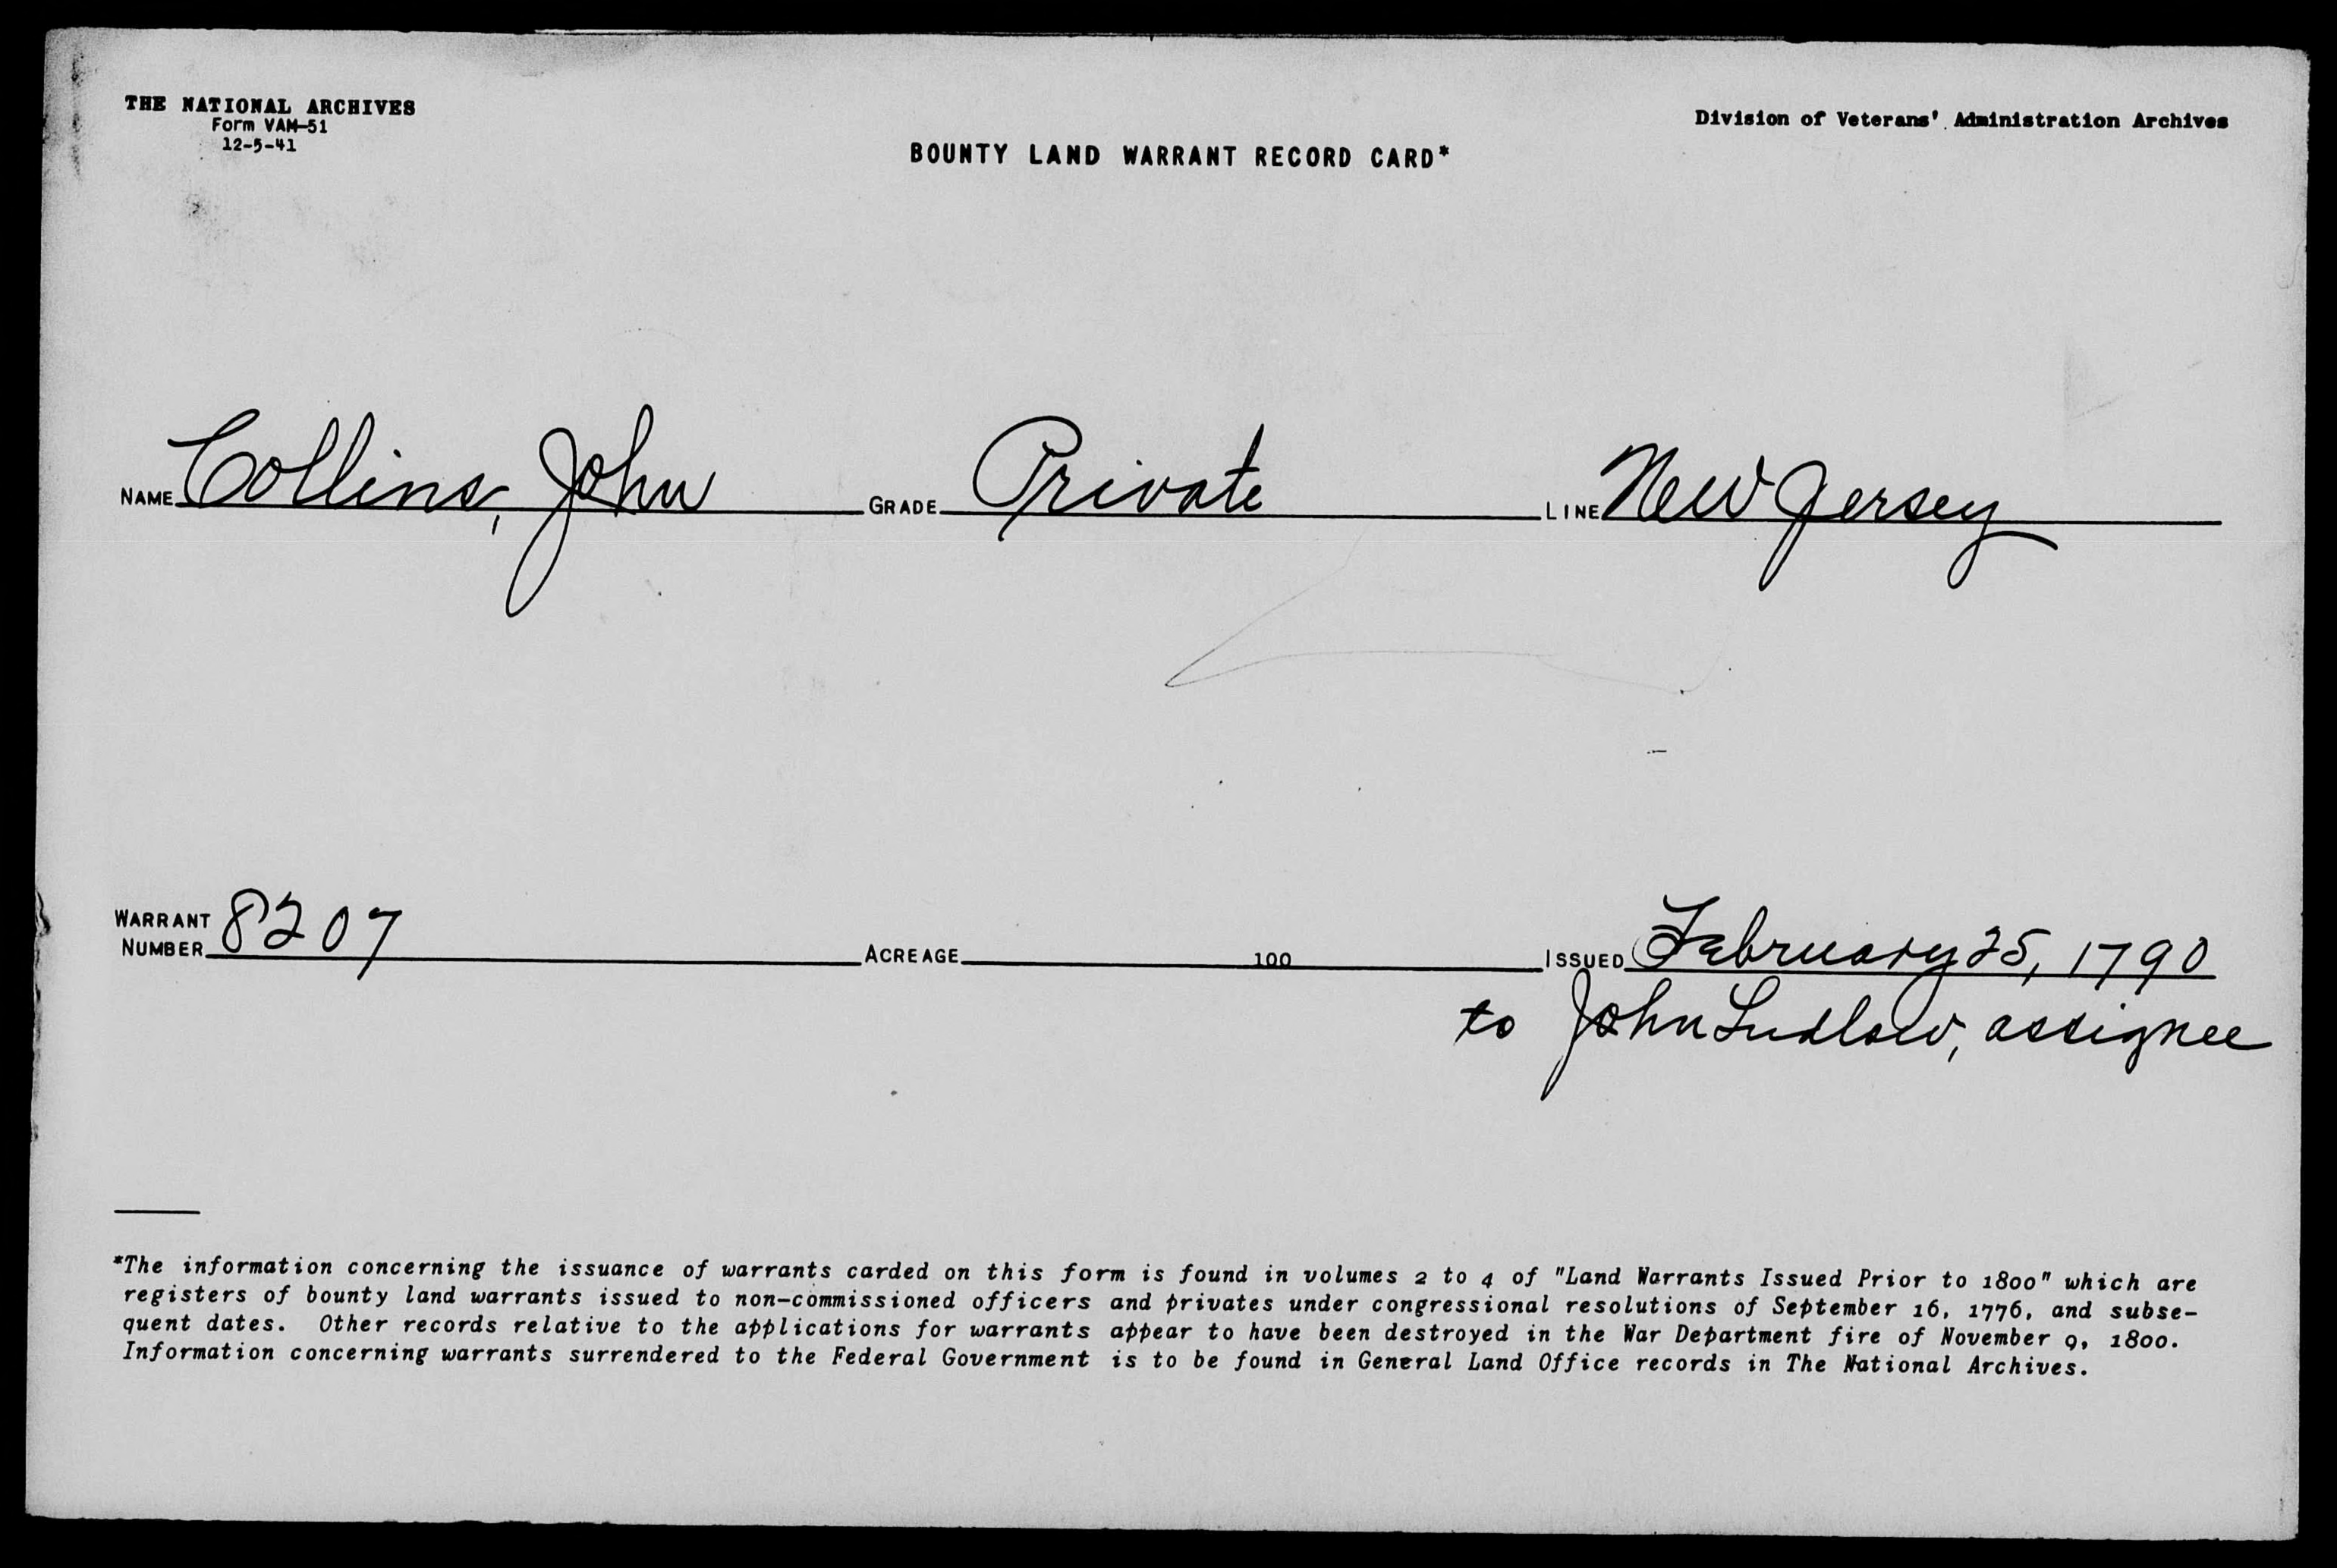THE NATIONAL ARCHIVES Form VAM-51 12-5-41 
BOUNTY LAND WARRANT RECORD CARD* Division of Veterans' Administration Archives 

NAME Collins, John___ RANK Private___ 
LINE New Jersey
WARRANT NUMBER 8207___ ACREAGE 100___
ISSUED February 25, 1790 to John Ludlow, assignee

The information concerning the issuance of warrants carded on this form is found in volumes 2 to 4 of ""Land Warrants Issued Prior to 1800"" which are registers of bounty land warrants issued to non-commissioned officers and privates under congressional resolutions of September 16, 1776, and subsequent dates. Other records relative to the applications for warrants appear to have been destroyed in the War Department fire of November 9, 1800. Information concerning warrants surrendered to the Federal Government is to be found in General Land Office records in The National Archives.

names: John Ludlow, John Collins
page: 43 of 43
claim: survivor's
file: S. 29,732, John Collins, Mass. Navy